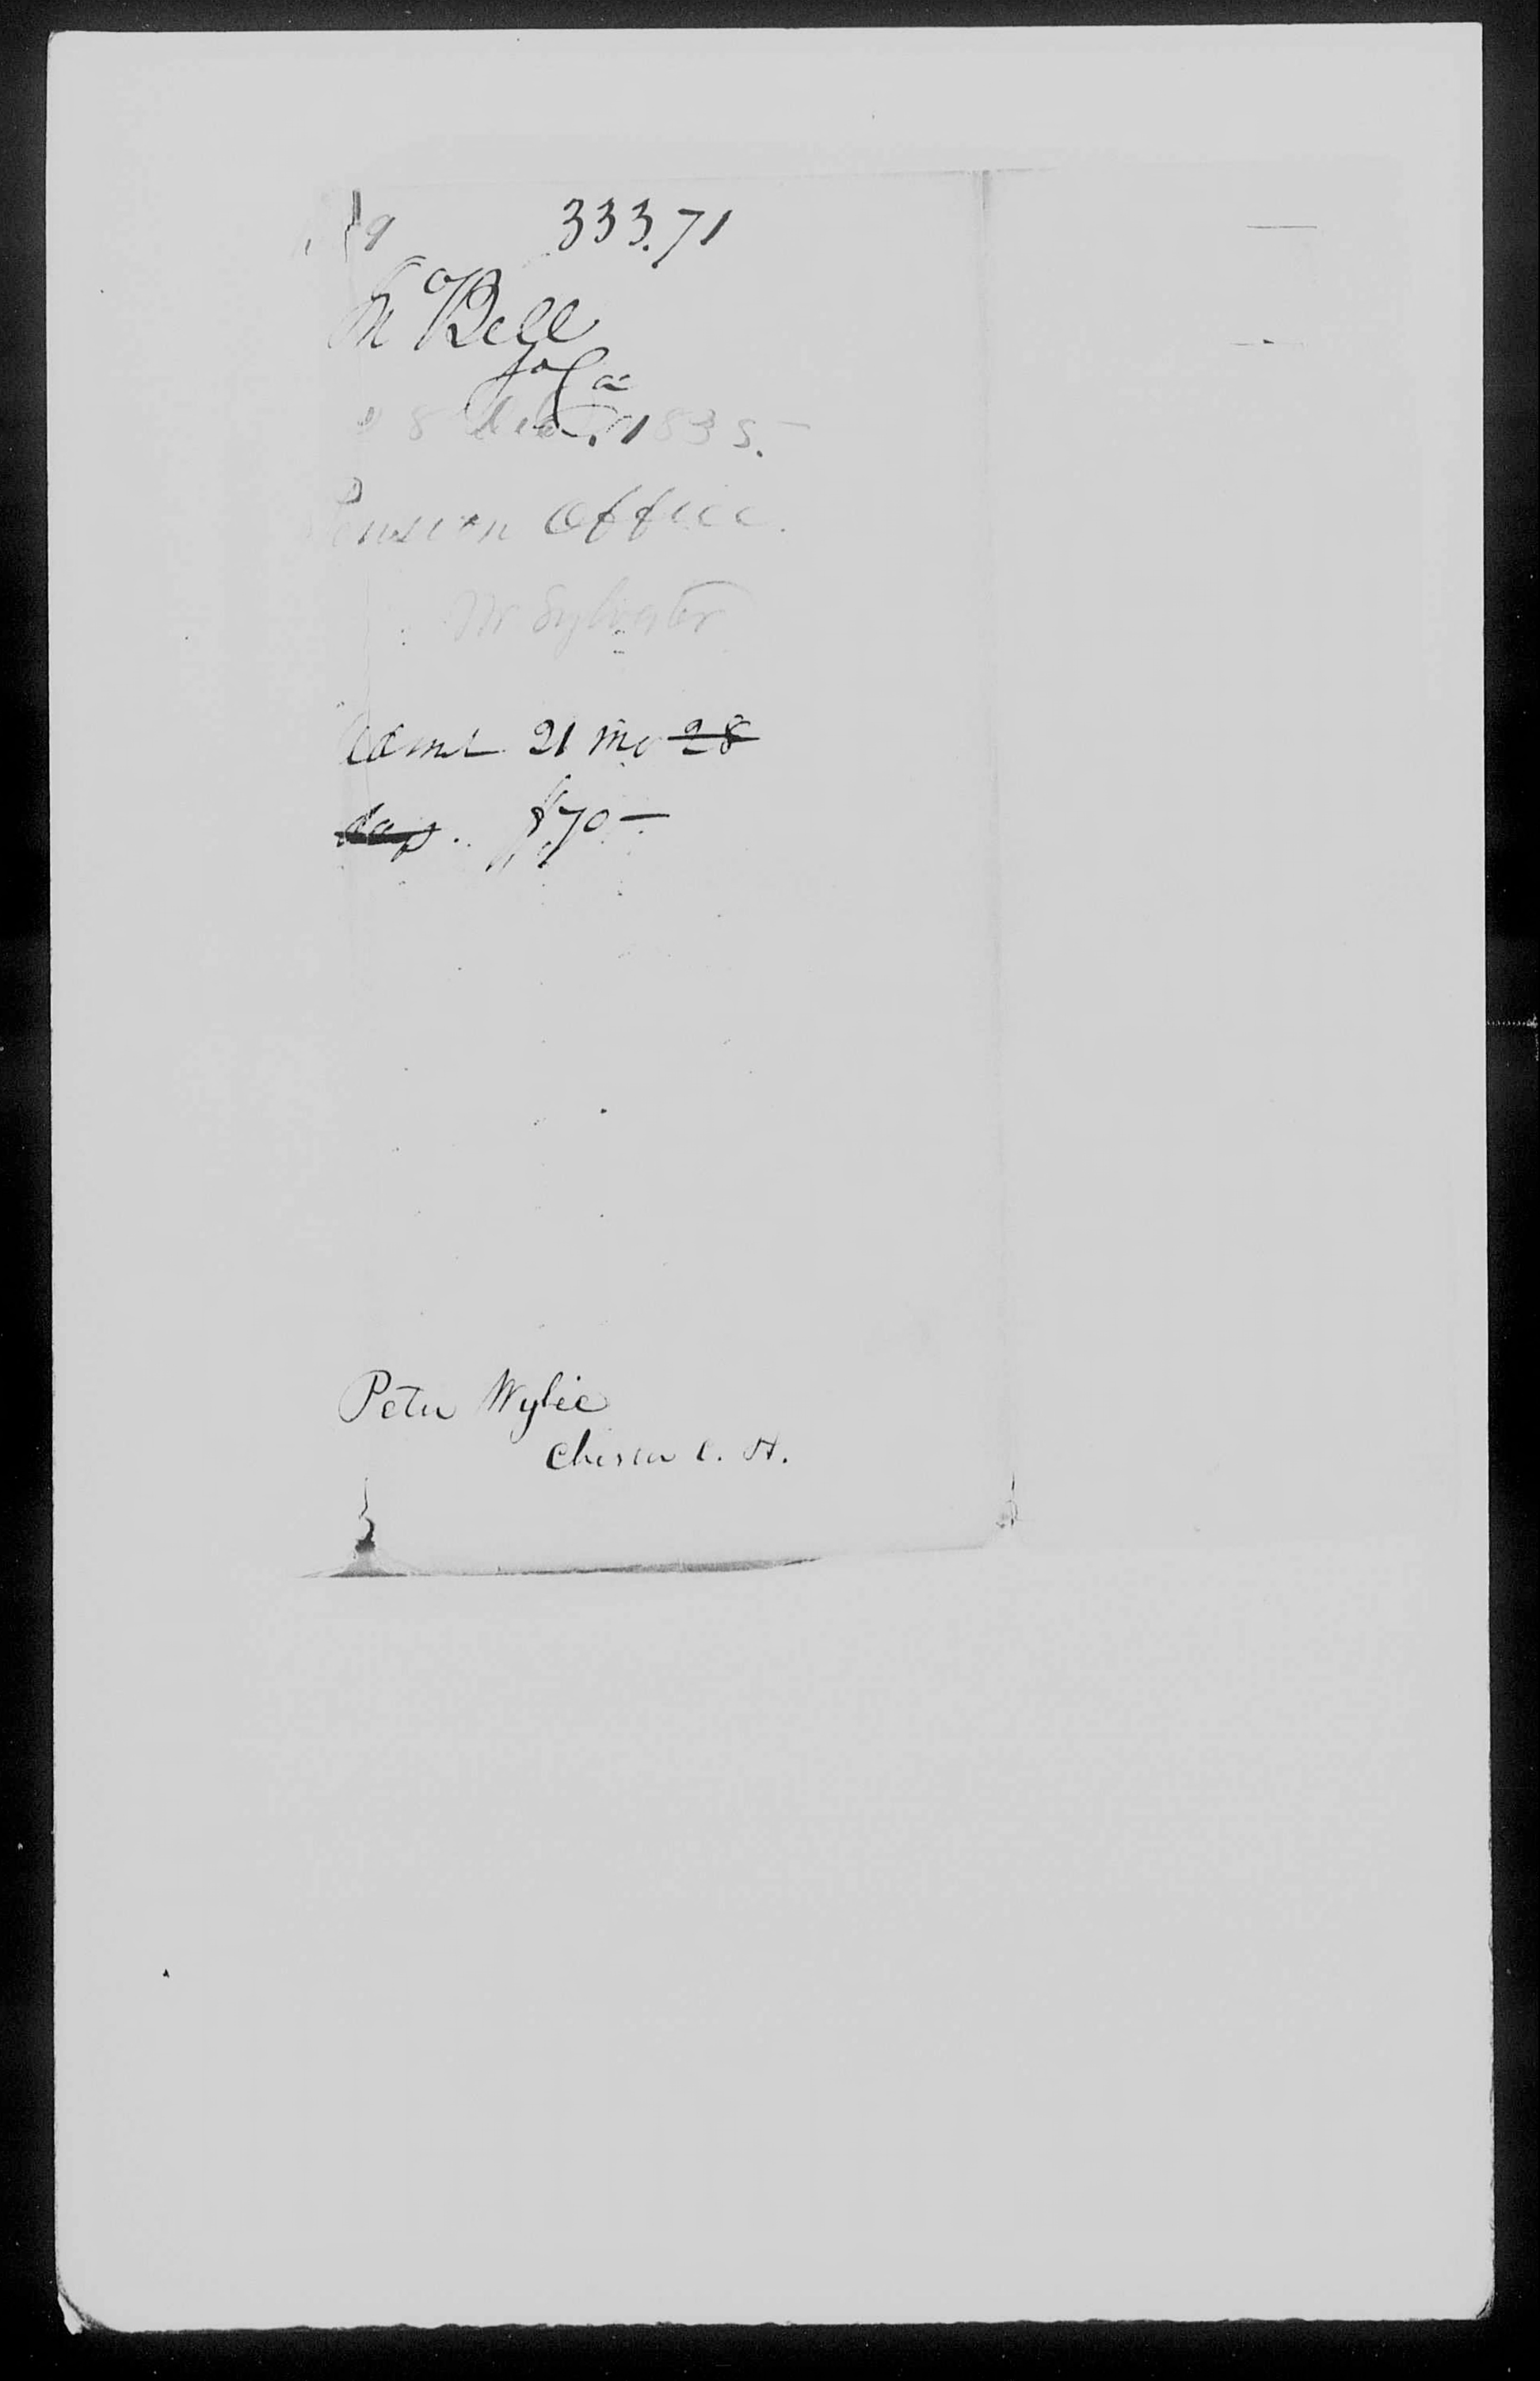( partial page ) 33,71 .. Bell  25 Dec  1835. Pension Office W Sylvester  Adms 21 mo (28 marked out ) pay $ 70- Peter Wylie Chester Dist.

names: Peter Wylie, Jno Bell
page: 10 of 23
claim: survivor's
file: S. 21068, John Bell, Ga. N. C. S. C.